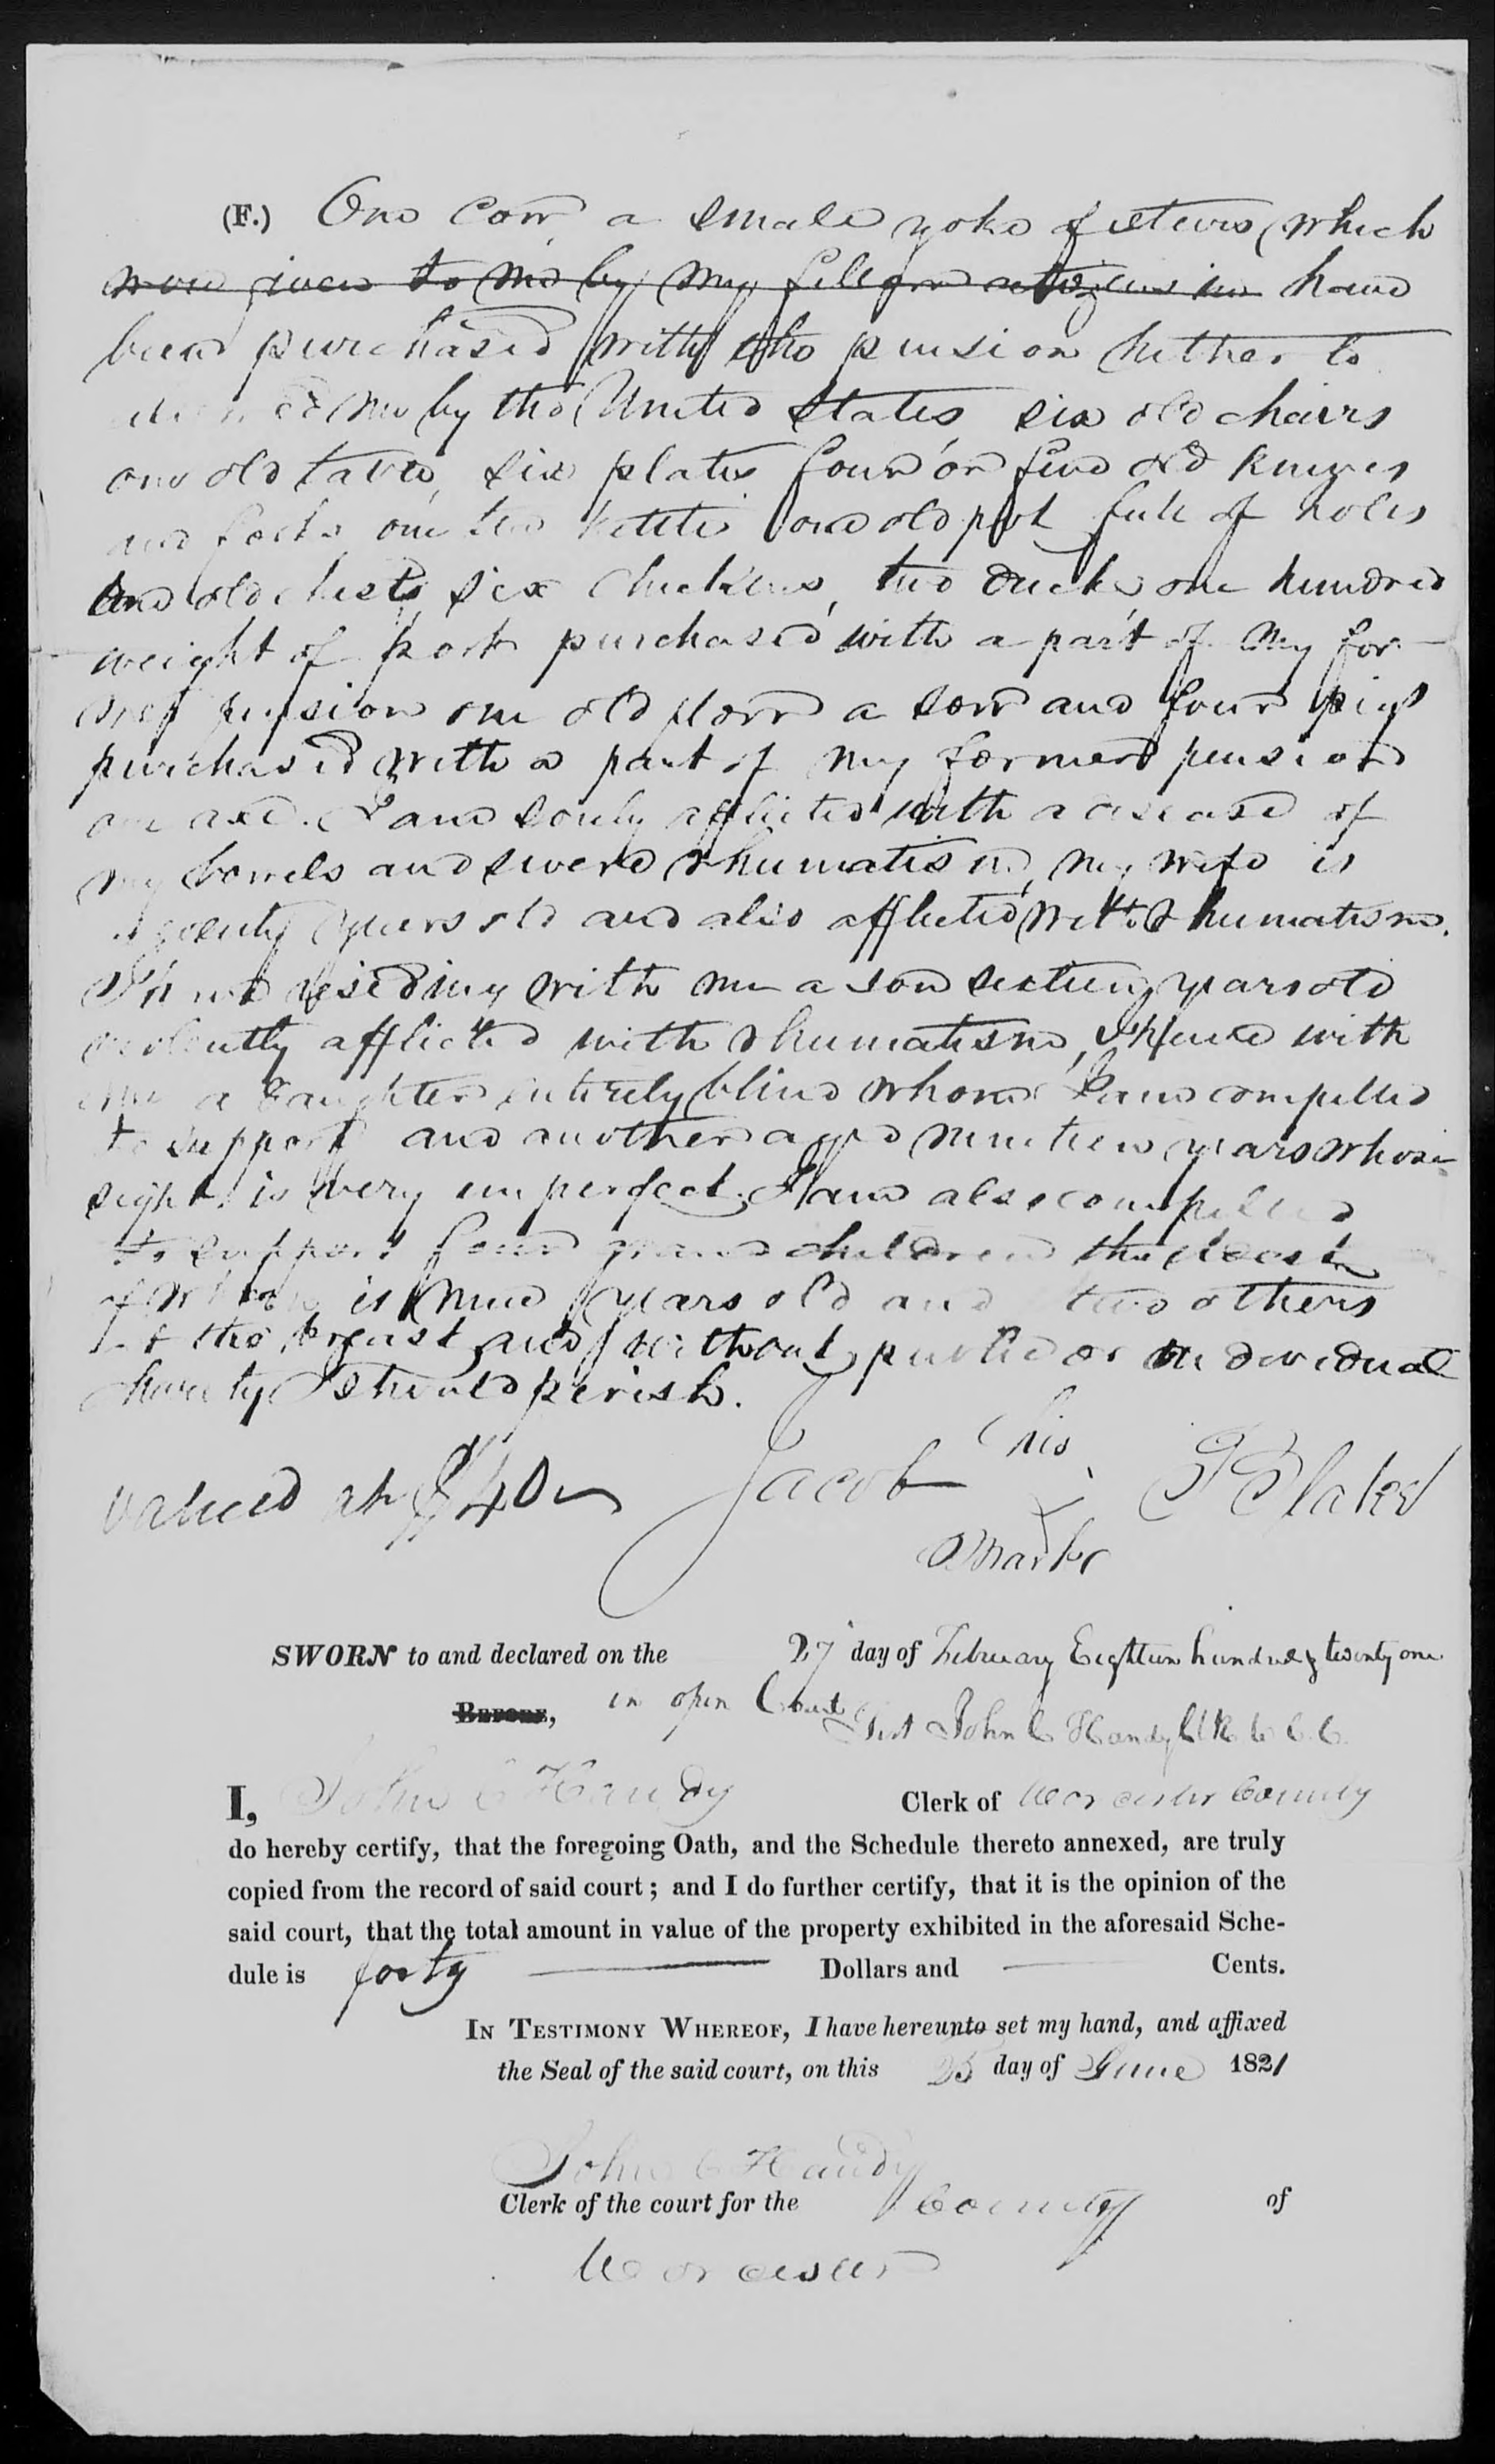(F.) One Cow, a small yoke of [illegible] {which have been purchased. with the pension hither to denied me by the Unites States, six old chairs and old table, six plates, four or five old knives and forks, one tea kettle, one old pot full of holes, one old chest, six chickens, two ducks, one hundred weight of pork purchased with a part of my former pension, one old plow, a sow and four pigs purchased with a part of my former pension, one axe. I am sorely afflicted with a disease of my bowels and severe rheumatism, my wife is seventy years old and also afflicted with rheumatism. I am residing with a son sixteen years old and moderately afflicted with rheumatism, I have with me a daughter entirely blind whom I am compelled to support and another aged nineteen years whose sight is very imperfect. I am also compelled to support four grandchildren the least of which is nine years old and two others of the breast and without [illegible] or individual hereby should perish. 

Valued about $40.

Jacob Blank
His X Mark

Sworn to and declared on this 27 day of February Eighteen hundred twenty one in open court.

Hon John C Handy Clerk 

I John C. Handy Clerk of Worcester County do hereby certify that the foregoing oath and the schedule thereto annexed are truly copied from the record of said court and I do further certify that it is the opinion of the said court that the total amount in value of the property exhibited in the aforesaid Schedule is Forty Dollars and [blank] cents.

In testimony whereof I have hereunto set my hand and affixed the seal of the said court on this 23rd day of June 1821

John C Handy
Clerk of the court for the county of Worcester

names: John C Handy, John C Handy, John C Handy, Jacob Blake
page: 8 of 18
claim: survivor's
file: S. 34654, Jacob Blake, Md.